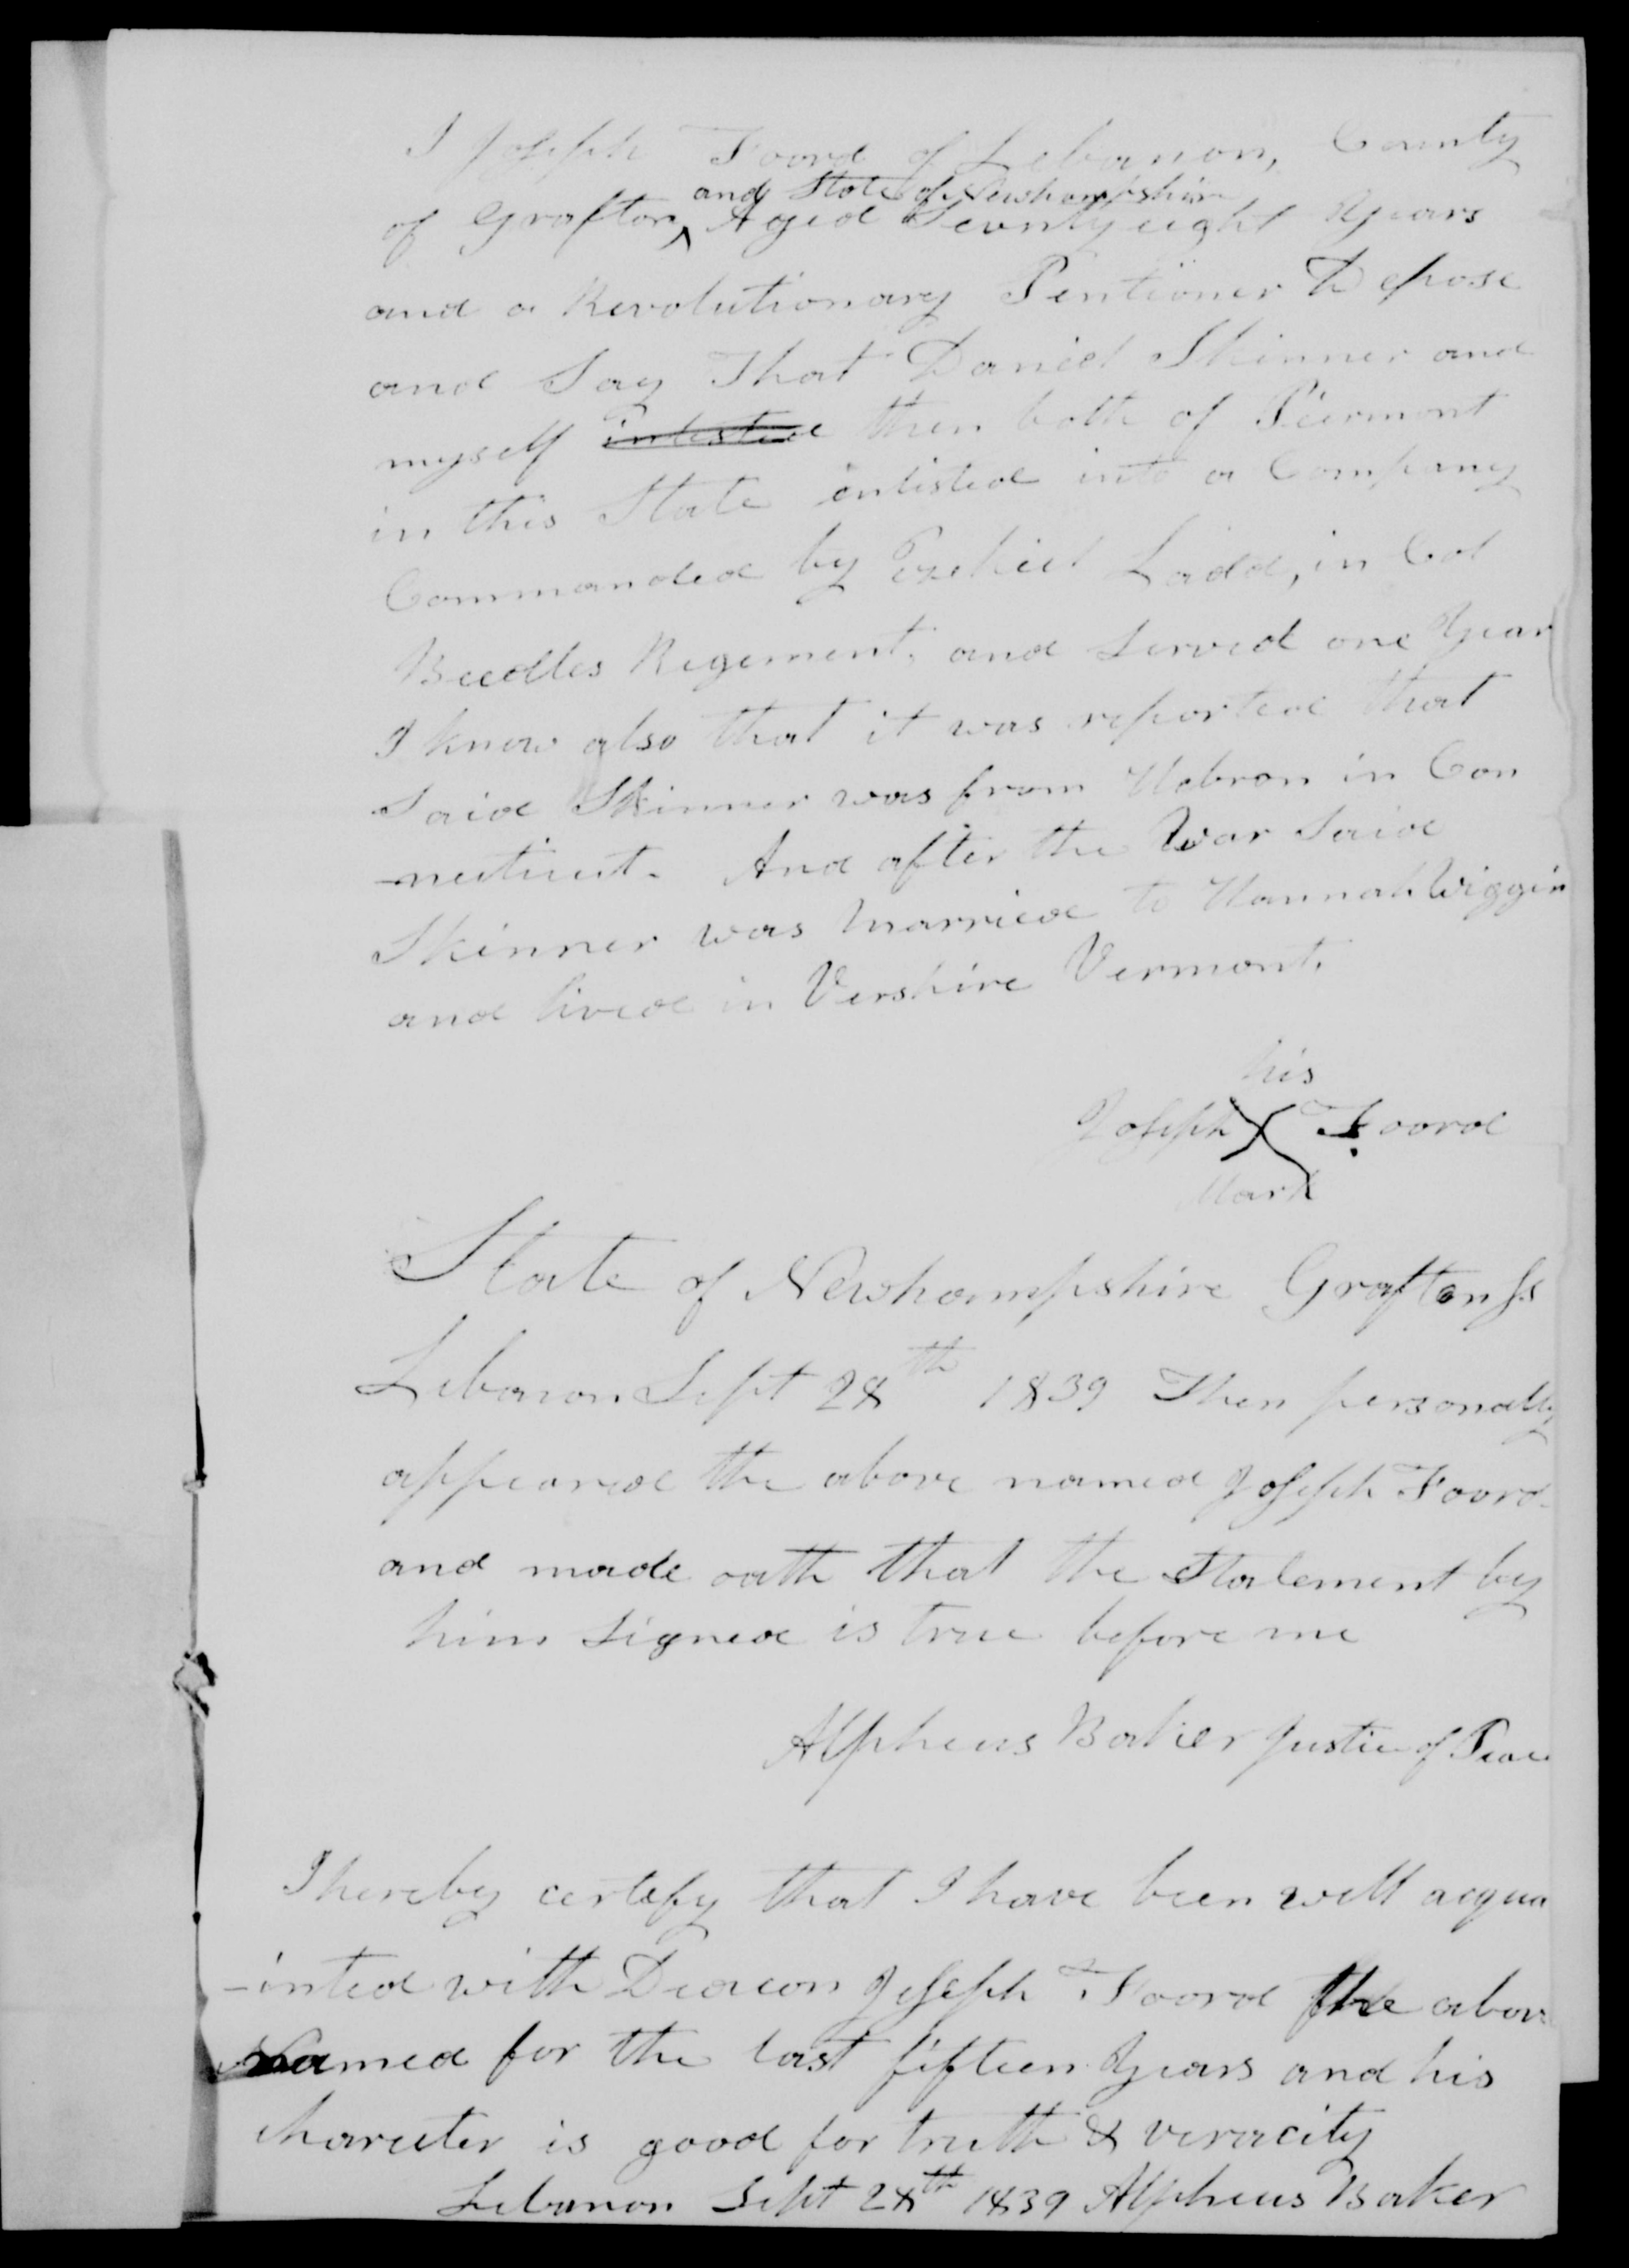I Joseph Foord of Lebanon, County
of Grafton and State of New Hampshire aged Seventy eight years
and a Revolutionary Pensioner Depose
and say That Daniel Skinner and
myself then both of Piermont
in this State enlisted into a Company
commanded by Ezekiel Ladd, in Col
Beadles Regiment and served one year
I know also that it was reported that
said Skinner was from Hebron in 
Connecticut. And after the war said
Skinner was married to Hannah Wiggin
and lived in Vershire, Vermont.
(signed) Joseph X Ford his mark

State of New Hampshire Grafton ss
Lebanon Sept 28th 1839 Then personally
appeared the above named Joseph Foord
and made oath that the statement by
him signed is true before me
Alpheus Barker Justice of Peace

I hereby certify that I have been well acquainted
with Deacon Joseph Foord the above
named for the last fifteen years and his
character is good for truth & veracity.
Lebanon Sept 28th 1839 Alpheus Barker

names: [BLANK] Skinner; [BLANK] Skinner; Joseph Foord; Ezekiel Ladd; Alpheus Baker; Hannah Wiggin; Joseph Foord; Alpheus Baker; Daniel Skinner; Joseph Foord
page: 41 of 46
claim: widow's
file: W. 24976, for Daniel Skinner, New Hampshire